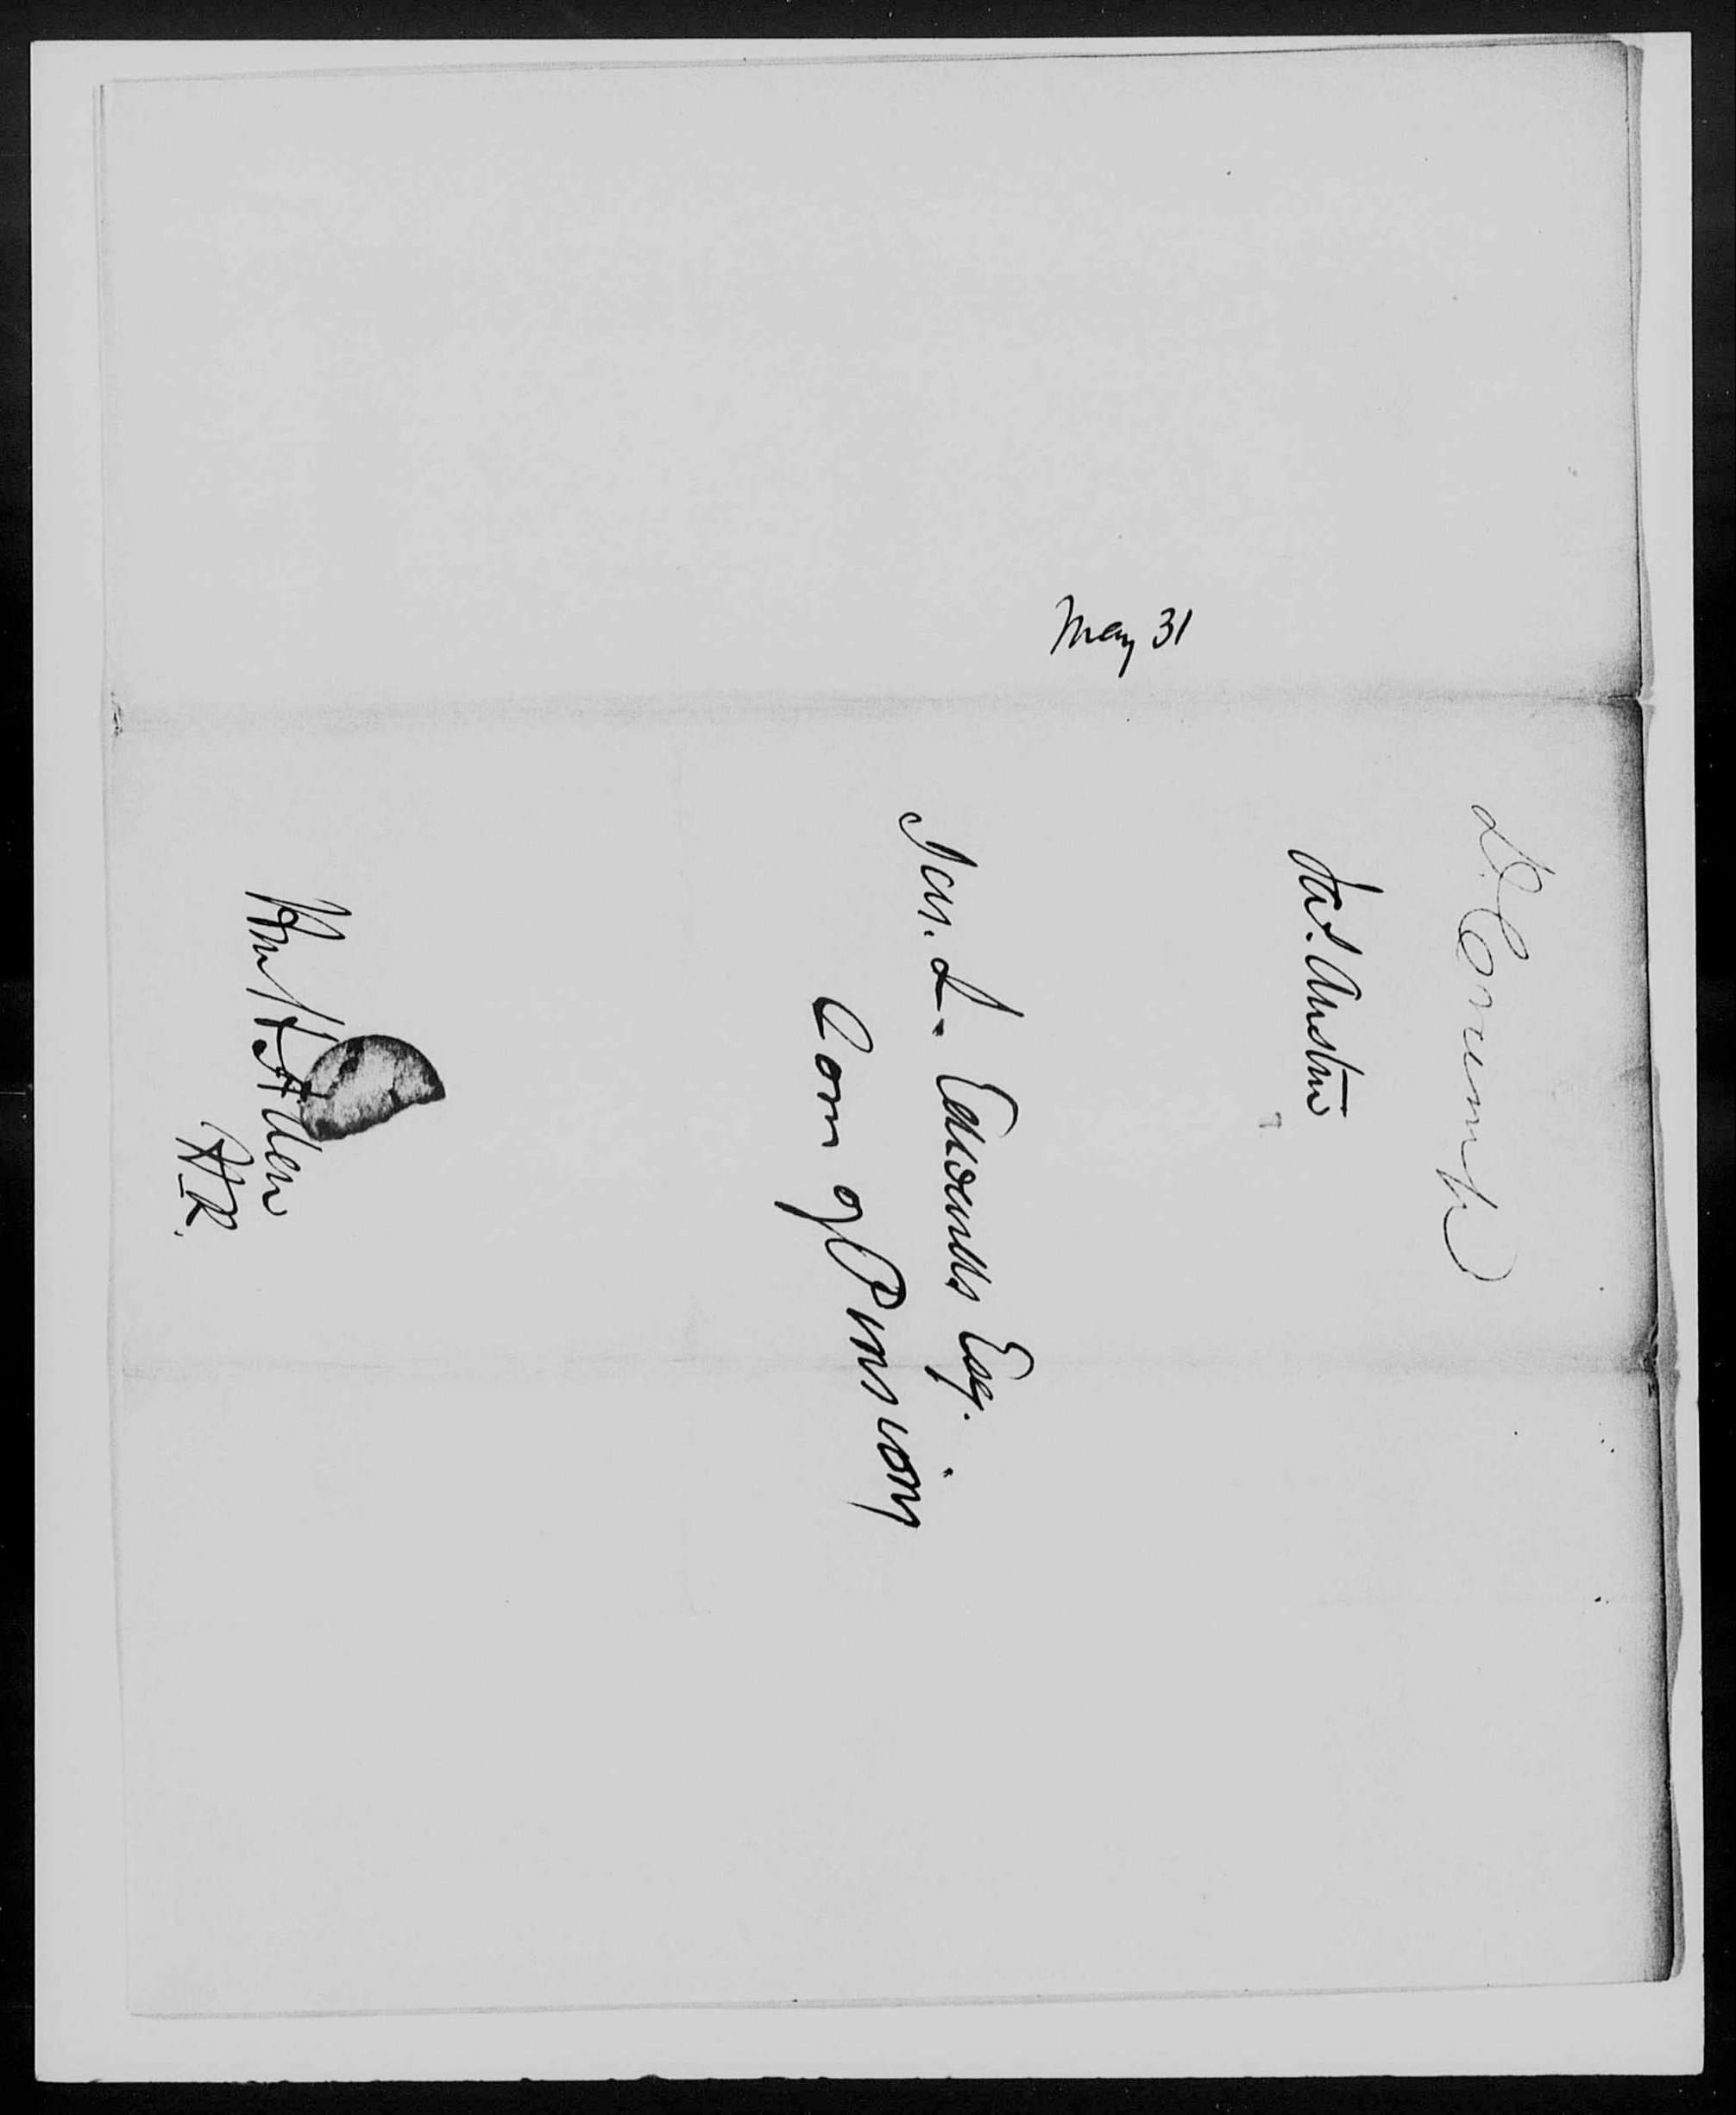May 31

[rotate page]

D L Crump

Jas Austin

[illegible] L. Edwards, Esq.
Com of Pensions

Hon H Allen
H.R.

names: Jas J Edwards, J W Austin, H Allen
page: 97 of 100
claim: survivor's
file: S 19186, James Austin, Conn. New York R.I.